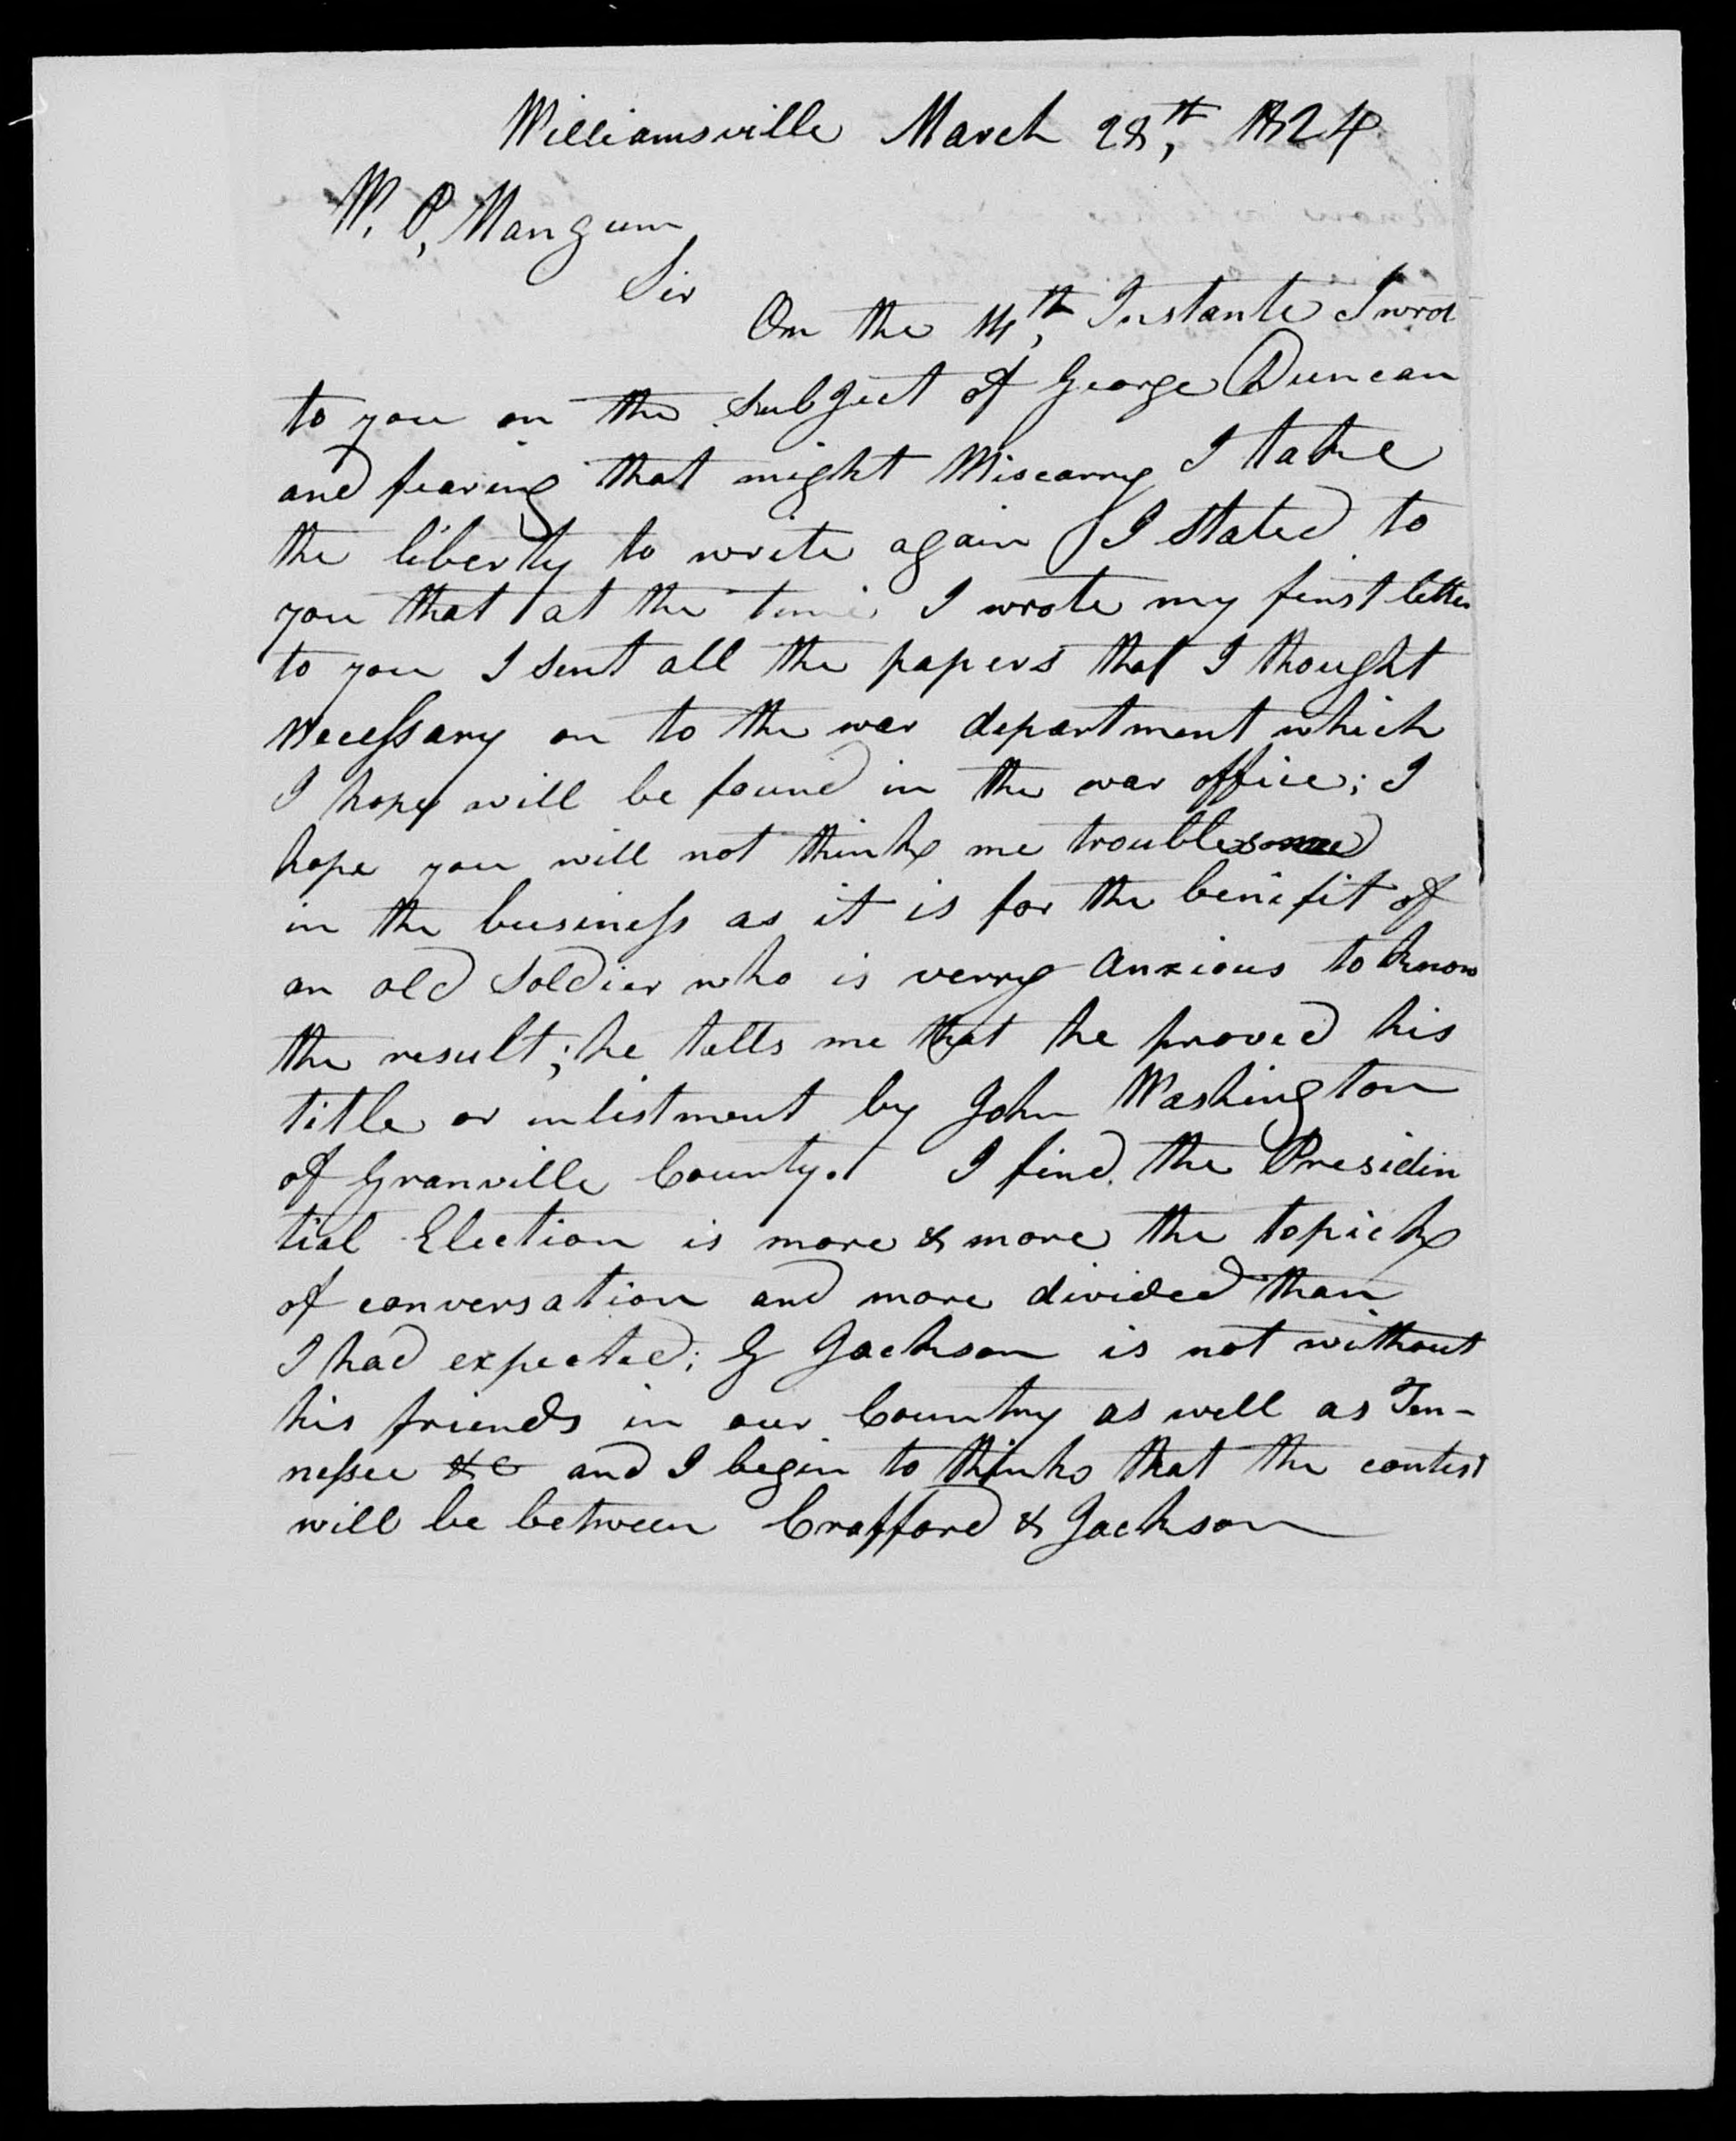Williamsville March 28th 1824
W. P. Mangum
Sir
On the 14th, instant I wrote
to you on the subject of George Duncan
and fearing that might Miscarry I take
the liberty to write again I stated to
you that at the time I wrote my first letter
to you I sent all the papers that I thought
Necessary on to the war department which
I hope will be found in the war office; I
hope you will not think me troublesome
in the business as it is for the benefit of
an old soldier who is very anxious to know
the result; he tells me that he proved his
title or enlistment by John
Washington of Granville County
I find the Presidential Election is more and more the topicks
of conversation and more divided that
I had expected; G Jackson is not without
his friends in our Country as well as Tennessee
etc and I begin to think that the contest
will be between Crafford and Jackson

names: W P Mangum, J Jackson, John Washington, Jackson, Crafford, George Duncan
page: 38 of 49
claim: survivor's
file: S. 41513, George Duncan, N.C.